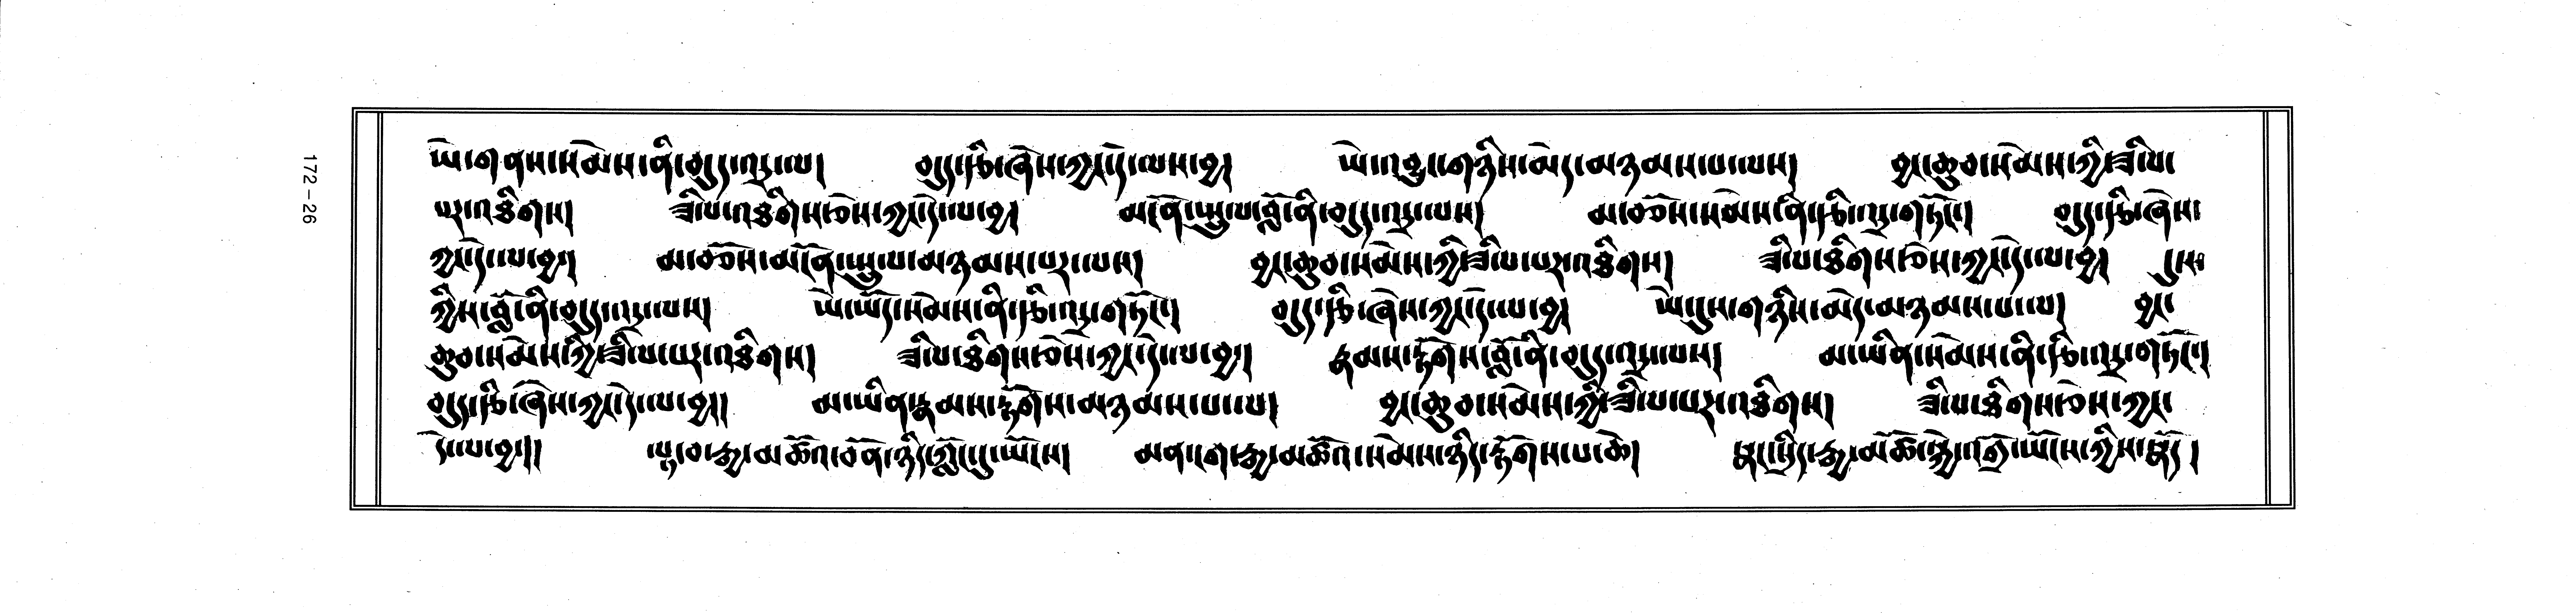ཡེ་གནས་སེམས་ནི་བདུད་འདྲ་ལ། བདུད་རྩི་ཞེས་ཀྱང་དེ་ལ་བྱ། ཡེ་འབྱུང་གཉིས་མེད་མཉམས་པ་ལས། བྱང་ཆུབ་སེམས་ཀྱི་ཟིལ་
པར་འཐིགས། ཟིལ་ཐིགས་ཅེས་ཀྱང་དེ་ལ་བྱ། མངོན་སྤྲུལ་བློ་ནི་བདུད་འདྲ་ལ། མ་བཅོས་སེམས་ནི་རྩི་འདྲ་གཏོང་། བདུད་རྩི་ཞེས་
ཀྱང་དེ་ལ་བྱ། མ་བཅོས་མངོན་སྤྲུལ་མཉམ་པ་ལས། བྱང་ཆུབ་སེམས་ཀྱི་ཟིལ་པར་འཐིགས། ཟིལ་ཐིགས་ཅེས་ཀྱང་དེ་ལ་བྱ། དུས་
ཀྱིས་བློ་ནི་བདུད་འདྲ་ལ། ཡེ་ཡོད་སེམས་ནི་རྩི་འདྲ་གཏོང་། བདུད་རྩི་ཞེས་ཀྱང་དེ་ལ་བྱ། ཡེ་དུས་གཉིས་མེད་མཉམས་པ་ལས། བྱང་
ཆུབ་སེམས་ཀྱི་ཟིལ་པར་འཐིགས། ཟིལ་ཐིགས་ཅེས་ཀྱང་དེ་ལ་བྱ། རྣམས་རྟོག་བློ་ནི་བདུད་འདྲ་ལ། མ་ཡིན་སེམས་ནི་རྩི་འདྲ་གཏོང་།
བདུད་རྩི་ཞེས་ཀྱང་དེ་ལ་བྱ། མ་ཡིན་རྣམས་རྟོགས་མཉམས་པ་ལས། བྱང་ཆུབ་སེམས་ཀྱི་ཟིལ་པར་འཐིགས། ཟིལ་ཐིགས་ཅེས་ཀྱང་
དེ་ལ་བྱ། ལྟ་བ་རྒྱ་མཚོ་བོན་ཉིད་ཀློང་དུ་ཡོངས། མན་ངག་རྒྱ་མཚོ་སེམས་ཉིད་རྟོགས་པ་ཆེ། སྣང་སྲིད་རྒྱ་མཚོ་སྐྱེ་འགྲོ་ཡོངས་ཀྱིས་སྣོད།